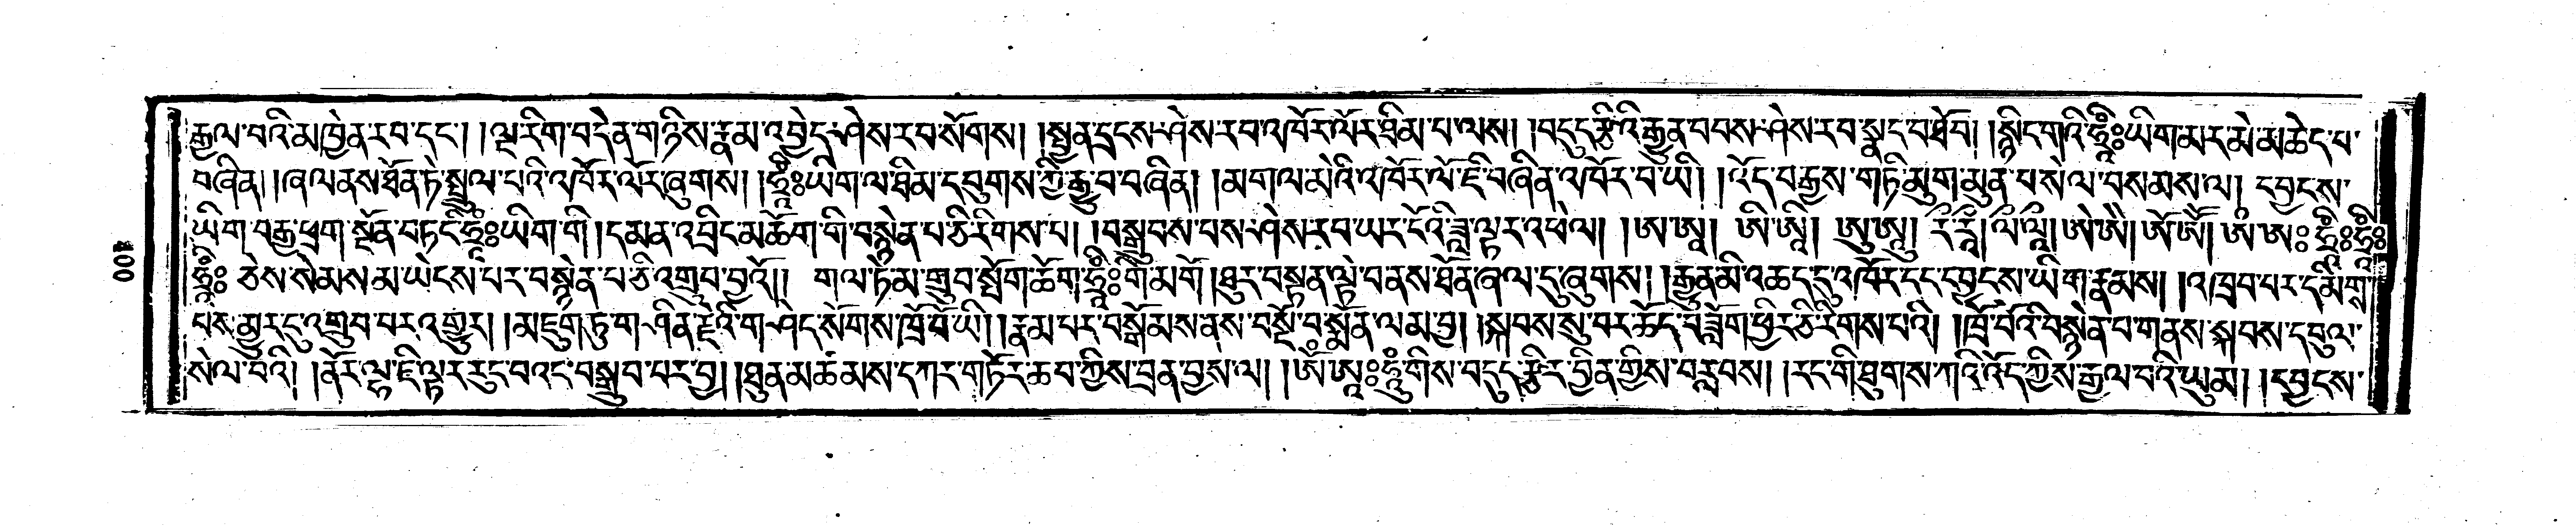རྒྱལ་བའི་མཁྱེན་རབ་དང་། །ལྔ་རིག་བདེན་གཉིས་རྣམ་འབྱེད་ཤེས་རབ་སོགས། །སྤྱན་དྲངས་ཤེས་རབ་འཁོར་ལོར་ཐིམ་པ་ལས། །བདུད་རྩིའི་རྒྱུན་བབས་ཤེས་རབ་སྣང་བ་ཐོབ། །སྙིང་གའི་ཧྲཱིཾཿ ཡིག་མར་མེ་མཆེད་པ་
བཞིན། །ཞལ་ནས་ཐོན་ཏེ་སྤྲུལ་པའི་འཁོར་ལོར་ཞུགས། །ཧྲཱིཾཿ ཡིག་ལ་ཐིམ་དབུགས་ཀྱི་རྒྱུ་བ་བཞིན། །མགལ་མེའི་འཁོར་ལོ་ཇི་བཞིན་འཁོར་བ་ཡི། །འོད་བརྒྱས་གཏི་མུག་མུན་པ་སེལ་བསམས་ལ། དབྱངས་
ཡིག་བརྒྱ་ཕྲག་སྔོན་བཏང་ཧྲཱིཾཿ ཡིག་གི །དམན་འབྲིང་མཆོག་གི་བསྙེན་པ་ཅི་རིགས་པ། །བསྒྲུབས་པས་ཤེས་རབ་ཡར་ངོའི་ཟླ་ལྟར་འཕེལ། །ཨ་ཨཱ། ཨི་ཨཱི། ཨུ་ཨཱུ། རྀ་རཱྀ། ལྀ་ལཱྀ། ཨེ་ཨཻ། ཨོ་ཨཽ། ཨཾ་ཨཿ ཧྲཱིཾཿ ཧྲཱིཾཿ
ཧྲཱིཾཿ ཅེས་སེམས་མ་ཡེངས་པར་བསྙེན་པ་ཅི་འགྲུབ་བྱའོ། །གལ་ཏེ་མ་གྲུབ་སྤོག་ཆོག་ཧྲཱིཾཿ གི་མགོ །ཐུར་བསྟན་ལྟེ་བ་ནས་ཐོན་ཞལ་དུ་ཞུགས། །རྒྱུན་མི་འཆད་དུ་འཁོར་དང་དབྱངས་ཡིག་རྣམས། །འཁྲབ་པར་དམིགས་
པས་མྱུར་དུ་འགྲུབ་པར་འགྱུར། །མཇུག་ཏུ་གཤིན་རྗེའི་གཤེད་སོགས་ཁྲོ་བོ་ཡི། །རྣམ་པར་བསྒོམས་ནས་བསྔོ་བ་སྨོན་ལམ་བྱ། །སྐབས་སུ་བར་ཆོད་བཟློག་ཕྱིར་ཅི་རིགས་པའི། །ཁྲོ་བོའི་བསྙེན་པ་གནས་སྐབས་དབུལ་
སེལ་བའི། །ནོར་ལྷ་ཇི་ལྟར་རུང་བའང་བསྒྲུབ་པར་བྱ། །ཐུན་མཚམས་དཀར་གཏོར་ཆབ་ཀྱིས་བྲན་བྱས་ལ། །ཨོཾ་ཨཱཿ ཧཱུཾ་གིས་བདུད་རྩིར་བྱིན་གྱིས་བརླབས། །རང་གི་ཐུགས་ཀའི་འོད་ཀྱིས་རྒྱལ་བའི་ཡུམ། །དབྱངས་